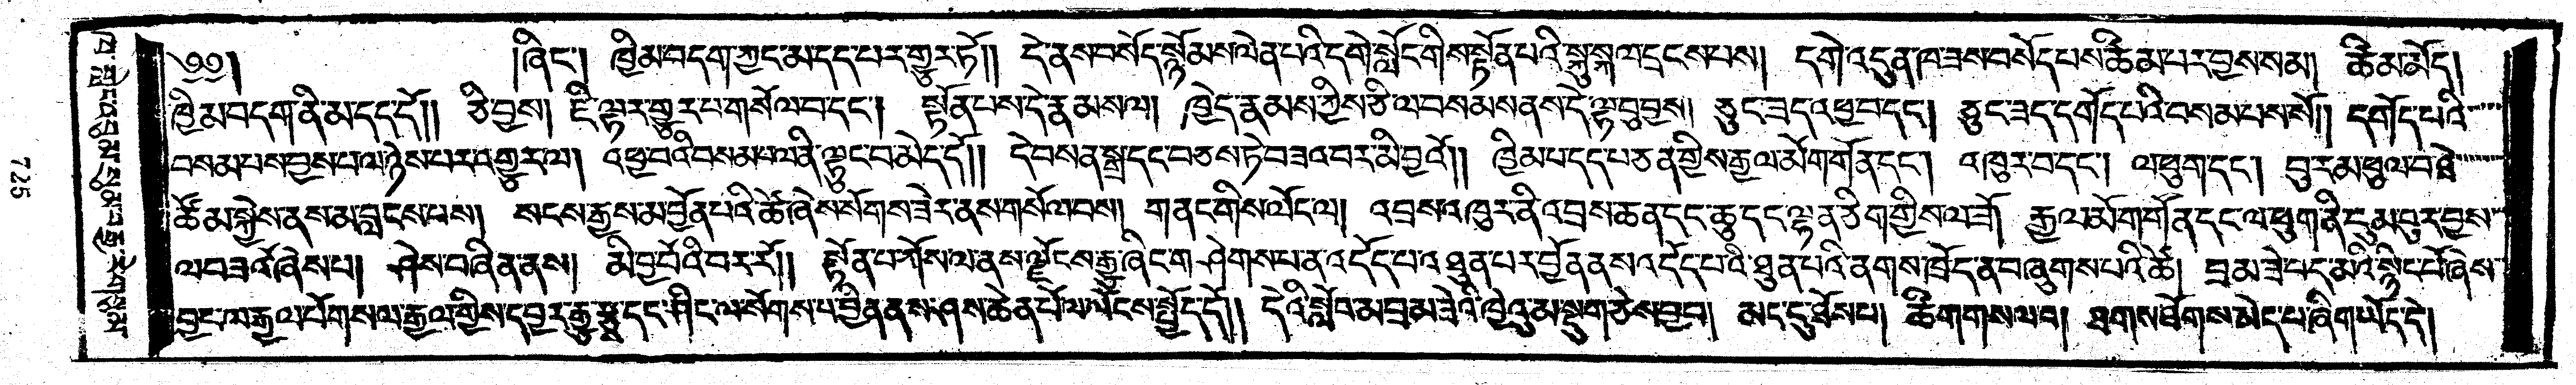༄༅། །ཞིང་། ཁྱིམ་བདག་ཀྱང་མ་དད་པར་གྱུར་ཏོ། །དེ་ནས་བསོད་སྙོམས་ལེན་པའི་དགེ་སློང་གིས་སྟོན་པའི་སྐུ་སྐལ་དྲངས་པས། དགེ་འདུན་ཁ་ཟས་བསོད་པས་ཚིམ་པར་བྱས་སམ། ཚིམ་མོད།
ཁྱིམ་བདག་ནི་མ་དད་དོ། །ཅི་བྱས། ཇི་ལྟར་གྱུར་པ་གསོལ་བ་དང་། སྟོན་པས་དེ་རྣམས་ལ། ཁྱེད་རྣམས་ཀྱིས་ཅི་ལ་བསམས་ནས་དེ་ལྟ་བུ་བྱས། ཅུང་ཟད་འཕྱ་བ་དང་། ཅུང་ཟད་དགོད་པའི་བསམ་པས་སོ། །དགོད་པའི་
བསམ་པས་བྱས་པ་ལ་ཉེས་པར་འགྱུར་ལ། འཕྱ་བའི་བསམ་པ་ལིན་ལྟུང་བ་མེད་དོ། །དེ་བསན་སྒྲ་དང་བཅས་ཏེ་བཟའ་བར་མི་བྱའོ། །ཁྱིམ་པ་དད་པ་ཅན་གྱིས་རྒྱལ་མོག་གོན་དང་། འཁུར་བ་དང་། ལ་ཕུག་དང་། བུ་རམ་ཕུལ་བ་ཐེ་
ཚོམ་སྐྱེས་ནས་མ་བླངས་པས། སངས་རྒྱས་མ་བྱོན་པའི་ཚེ་ཞེས་སོགས་ཟེར་ནས་གསོལ་བས། གནང་གིས་ལོང་ལ། འབྲས་འཁུར་ནི་འབྲས་ཆན་དང་ཆུ་དང་ལྷན་ཅིག་གྱིས་ལ་ཟོ། རྒྱལ་མོག་གོན་དང་ལ་ཕུག་ནི་དུམ་བུར་བྱས་
ལ་བཟའོ་ཞེས་པ། ཤེས་བཞིན་ནས། མི་བྱ་བོའི་བར་རོ། །སྟོན་པ་ཀོས་ལ་ནས་ལྗོངས་རྒྱུ་ཞིང་གཤེགས་པ་ན་འདོད་པ་འཐུན་པར་བྱོན་ནས་འདོད་པའི་ཐུན་པའི་ནགས་ཁྲོད་ན་བཞུགས་པའི་ཚེ། བྲམ་ཟེ་པད་མའི་སྙིང་པོ་ཞེས་
བྱང་ལ་རྒྱལ་པོ་གསལ་རྒྱལ་གྱིས་དབྱར་རྒྱུ་རྩྭ་དང་ཤིང་ལ་སོགས་པ་བྱིན་ནས་ཤས་ཆེན་པོ་ལ་ལོངས་སྤྱོད་དོ། །དེའི་སློབ་མ་བྲམ་ཟེའི་ཁྱེའུ་མ་སྡུག་ཅེས་བྱ་བ། མང་དུ་ཐོས་པ། ཚིག་གསལ་བ། ཐགས་ཐོགས་མེད་པ་ཞིག་ཡོད་དེ།